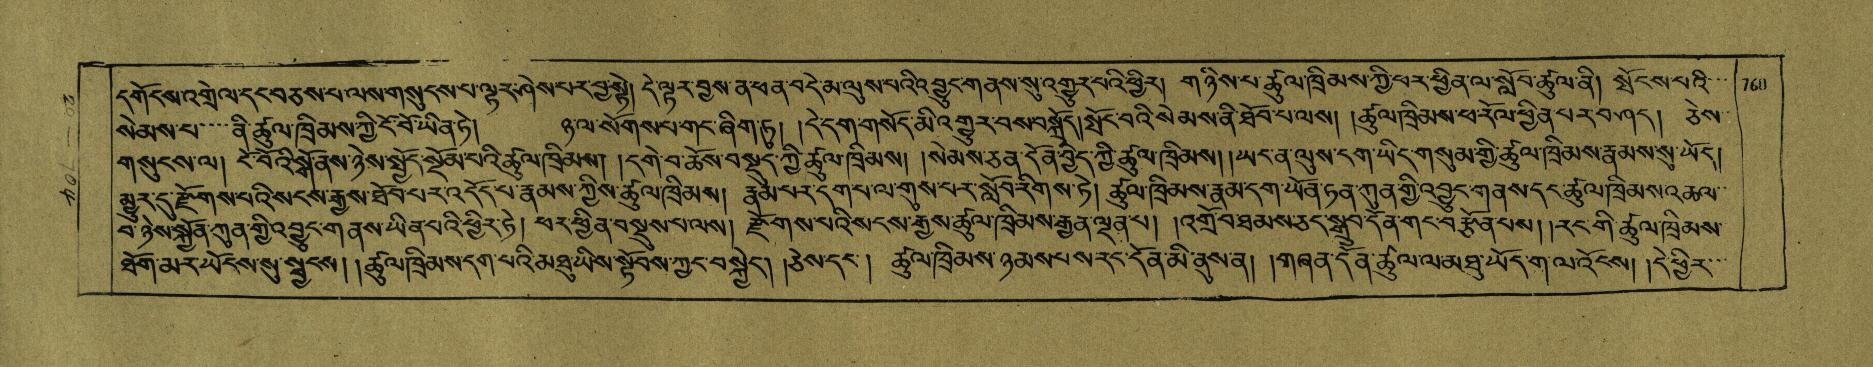དགོངས་འགྲེལ་དང་བཅས་པ་ལས་གསུངས་པ་ལྟར་ཤེས་པར་བྱ་སྟེ། དེ་ལྟར་བྱས་ན་ཕན་བདེ་མ་ལུས་པའི་འབྱུང་གནས་སུ་འགྱུར་པའི་ཕྱིར། གཉིས་པ་ཚུལ་ཁྲིམས་ཀྱི་ཕར་ཕྱིན་ལ་སློབ་ཚུལ་ནི། སྤོངས་པའི་
སེམས་པ་ནི་ཚུལ་ཁྲིམས་ཀྱི་ངོ་བོ་ཡིན་ཏེ། ཉ་ལ་སོགས་པ་གང་ཞིག་ཏུ། །དེ་དག་གསོད་མི་འགྱུར་བས་བསྐྲོད། སྤོང་བའི་སེམས་ནི་ཐོབ་པ་ལས། །ཚུལ་ཁྲིམས་ཕ་རོལ་ཕྱིན་པར་བཤད། ཅེས་
གསུངས་ལ། ངོ་བོའི་སྒོ་ནས་ཉེས་སྤྱོད་སྔོམ་པའི་ཚུལ་ཁྲིམས། །དགེ་བ་ཆོས་བསྡུད་ཀྱི་ཚུལ་ཁྲིམས། །སེམས་ཅན་དོན་བྱེད་ཀྱི་ཚུལ་ཁྲིམས། །ཡང་ན་ལུས་ངག་ཡིད་གསུམ་གྱི་ཚུལ་ཁྲིམས་རྣམས་སུ་ཡོད།
མྱུར་དུ་རྫོགས་པའི་སངས་རྒྱས་ཐོབ་པར་འདོད་པ་རྣམས་ཀྱིས་ཚུལ་ཁྲིམས། རྣམ་པར་དག་པ་ལ་གུས་པར་སློབ་རིགས་ཏེ། ཚུལ་ཁྲིམས་རྣམ་དག་ཡོན་ཏན་ཀུན་གྱི་འབྱུང་གནས་དང་ཚུལ་ཁྲིམས་འཆལ་
བ་ཉེས་སྐྱོན་ཀུན་གྱི་འབྱུང་གནས་ཡིན་པའི་ཕྱིར་ཏེ། ཕར་ཕྱིན་བསྡུས་པ་ལས། རྫོགས་པའི་སངས་རྒྱས་ཚུལ་ཁྲིམས་རྒྱན་ལྡན་པ། །འགྲོ་བ་ཐམས་ཅད་སྒྲུབ་དོན་གང་བརྩོན་པས། །རང་གི་ཚུལ་ཁྲིམས་
ཐོག་མར་ཡོངས་སུ་སྦྱངས། །ཚུལ་ཁྲིམས་དག་པའི་མཐུ་ཡིས་སྟོབས་ཀྱང་བསྐྱེད། །ཅེས་དང་། ཚུལ་ཁྲིམས་ཉམས་པས་རང་དོན་མི་ནུས་ན། །གཞན་དོན་ཚུལ་ལ་མཐུ་ཡོད་ག་ལ་འོངས། །དེ་ཕྱིར་